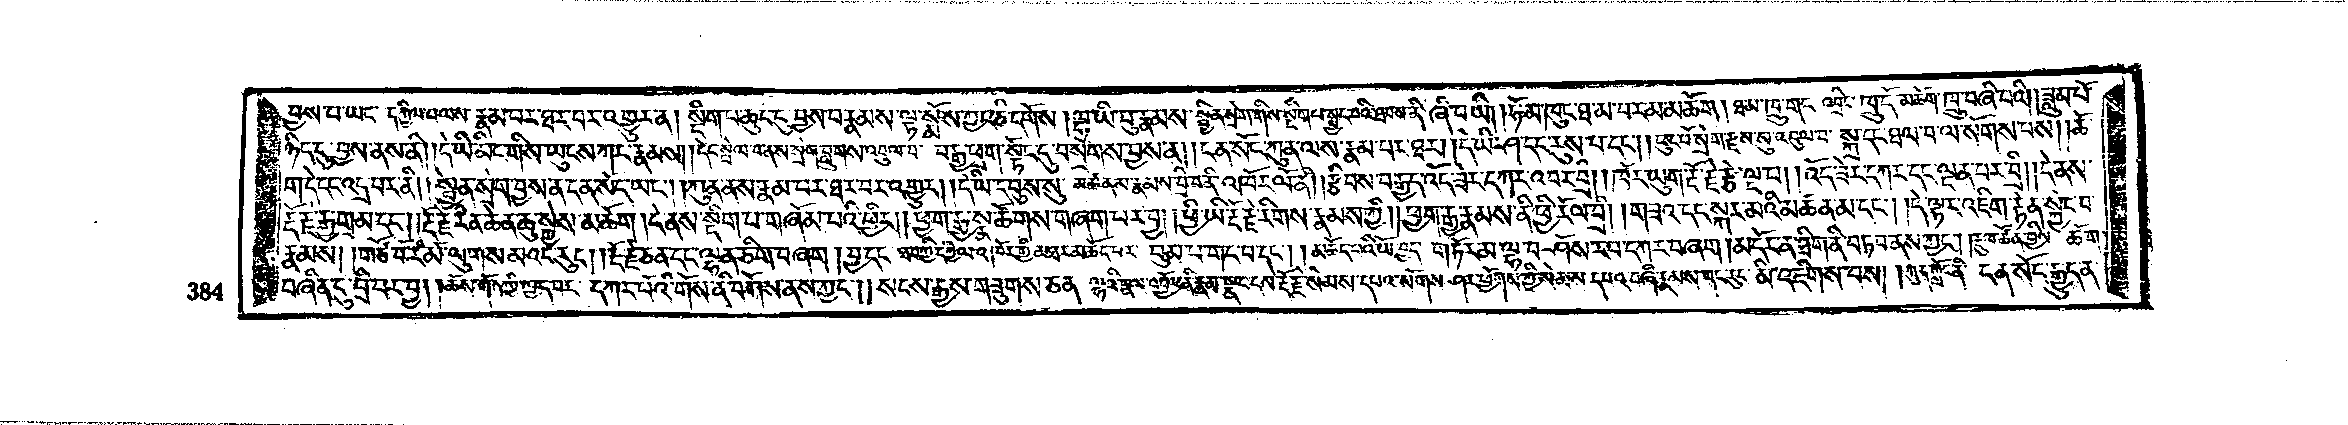བ་བྱས་པ་ཡང་དམྱལ་བ་ལས་རྣམ་པར་ཐར་བར་འགྱུར་ན། སྡིག་པ་ཆུང་ངུ་བྱས་པ་རྣམས་ལྟ་སྨོས་ཀྱང་ཅི་དགོས། ལྷ་ཡི་བུ་རྣམས་སྦྱིན་སྲེག་གིས་སྡིག་པ་སྦྱང་བའི་ཐབས་ནི་ཞི་བ་ཡི། །ཧོམ་ཁུང་ཐ་མ་བར་མ་མཆོག ། ཐ་མ་ཁྲུ་གང་འབྲིང་ཁྲུ་དོ་མཆོག་ཁྲུ་བཞི་པའི། །ཟླུམ་པ་
ཉིད་དུ་བྱས་ནས་ནི། །དེ་ཡི་མིང་གིས་ཡུངས་ཀར་རྣམས། ། དེང་སྤེལ་བ་ནས་སྲེག་བླུགས་འབུལ་བ་བརྒྱ་ཕྲག་སྟོང་དུ་བསྲེགས་བྱས་ན། །ངན་སོང་ཀུན་ལས་རྣམ་པར་ཐར། །དེ་ཡི་ཤ་དང་རུས་པ་དང་། ། ཕུང་པོ་སྲེག་རྫས་སུ་འབུལ་བ་སྐྲ་དང་ཐལ་བ་ལ་སོགས་པས། །ཆོ་
ག་དེ་དང་འདྲ་བར་ནི། །སྦྱིན་སྲེག་བྱས་ན་ངན་སོང་ཡང་། །ཀུན་ནས་རྣམ་པར་ཐར་བར་འགྱུར། །དེ་ཡི་དབུས་སུ་མཚན་མ་རྣམས་བྲི་བ་ནི་འཁོར་ལོ་ནི། །རྩིབས་བརྒྱད་འོད་ཟེར་དཀར་འབར་བྲི། །ཁོར་ཡུག་རྡོ་རྗེ་རྩེ་ལྔ་པ། །འོད་ཟེར་དཀར་དང་ལྡན་པར་བྲི། །དེ་ནས་
རྡོ་རྗེ་རྒྱ་གྲམ་དང་། །རྡོ་རྗེ་རིན་ཆེན་ཆུ་སྐྱེས་མཆོག །དེ་ནས་སྡིག་པ་གཞོམ་པའི་ཕྱིར། །ཕྱག་རྒྱ་སྣ་ཚོགས་གཞག་པར་བྱ། །ཕྱི་ཡི་རྡོ་རྗེ་རིགས་རྣམས་ཀྱི། །ཕྱག་རྒྱ་རྣམས་ནི་ཕྱི་རོལ་བྲི། །གཟའ་དང་སྐར་མའི་མཚན་མ་དང་། །དེ་ལྟར་འཇིག་རྟེན་སྐྱོང་བ་
རྣམས། །གཙོ་བོ་རི་མོ་ལུགས་མའང་རུང་། །རྡོ་རྗེ་ཅན་དང་ལྷན་ཅིག་བཞག །བྱ་དང་ཐབ་ཀྱི་དཀྱིལ་འཁོར་གྱི་མཐར་མཆོད་བར་བུམ་པ་གང་བ་དང་། ། མཆོད་པའི་ཡོ་བྱད་གཏོར་མ་ལྷ་བཤོས་རབ་དཀར་བཞག །མདོར་ན་ཐིག་ནི་བཏབ་ནས་ཀྱང་། ། རྡུལ་ཚོན་གྱིས་ཆོ་ག་
བཞིན་དུ་བྲི་བར་བྱ། ། ཆོས་གོས་ཀྱི་ཁྱད་པར་དཀར་པོའི་གོས་ནི་བགོས་ནས་ཀྱང་། །སངས་རྒྱས་གཟུགས་ཅན་ལྷའི་རྣལ་འབྱོར་ནི་རྣམ་སྣང་དམ་རྡོ་རྗེ་སེམས་དཔའ་སོགས་ཤར་ཕྱོགས་ཀྱི་སེམས་དཔའ་བཞི་རྣམས་གང་རུང་མི་འཇིགས་པས། ། ཀུན་སློང་ནི་ངན་སོང་རྒྱུད་ན་